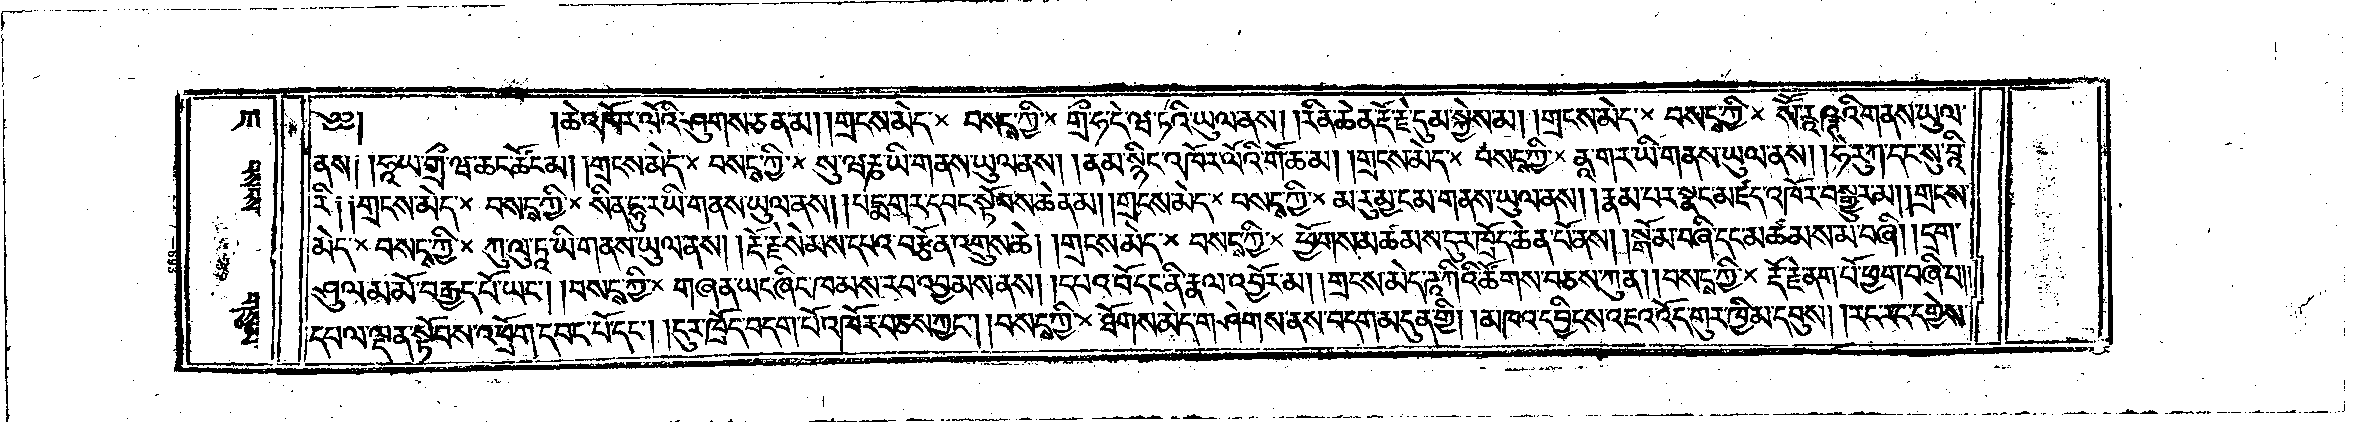༄༅། །ཆེ་འཁོར་ལོའི་ཤུགས་ཅན་མ། །གྲངས་མེད་྾་བསངས་ཀྱི་྾་གྲྀ་ཧ་དེ་ཝ་ཏའི་ཡུལ་ནས། །རིན་ཆེན་རྡོ་རྗེ་དུམ་སྐྱེས་མ། །གྲངས་མེད་྾་བསངས་ཀྱི་྾་སཽ་རཱ་ཥཱཊཱི་གནས་ཡུལ་
ནས༑ །ཧཱ་ཡ་གྲྀ་ཝ་ཆང་ཚོང་མ། །གྲངས་མེད་྾་བསངས་ཀྱི་྾་སུ་ཝ་རྣ་ཡི་གནས་ཡུལ་ནས། །ནམ་སྙིང་འཁོར་ལོའི་གོ་ཆ་མ། །གྲངས་མེད་྾་བསངས་ཀྱི་྾་ནཱ་གྲ་ཡི་གནས་ཡུལ་ནས། །ཧེ་རུ་ཀ་དངས་སུ་བའི་
རི༑ ༑གྲངས་མེད་྾་བསངས་ཀྱི་྾་སིན་ཧཱུ་ར་ཡི་གནས་ཡུལ་ནས། །པད་མ་གར་དབང་སྟོབས་ཆེན་མ། །གྲངས་མེད་྾་བསངས་ཀྱི་྾་མ་རུ་མྱ་ངམ་གནས་ཡུལ་ངས། །རྣམ་པར་སྣང་མཛད་འཁོར་བསྒྱུར་མ། །གྲངས་
མེད་྾་བསངས་ཀྱི་྾་ཀུ་ལུ་ཏཱ་ཡི་གནས་ཡུལ་ནས། །རྡོ་རྗེ་སེམས་དཔའ་བརྩོན་འགྲུས་ཆེ། །གྲངས་མེད་྾་བསངས་ཀྱི་྾་ཕྱོགས་མཚམས་དུར་ཁྲོད་ཆེན་བོ་ནས། །སྒོ་མ་བཞི་དང་མཚམས་མ་བཞི། །དྲག་
ཤུལ་མ་མོང་རྒྱད་པོ་ཡང་། །བསངས་ཀྱི་྾་གཞན་ཡང་ཞིང་ཁམས་རབ་འབྱམས་ནས། །དཔའ་བོ་དང་ནི་རྣལ་འབྱོར་མ། །གྲངས་མེད་ཏཱ་ཀི་དི་ཚོགས་བཅས་ཀུན། །བསངས་ཀྱི་྾་རྡོ་རྗེ་ན་ག་བོ་ཕྱག་བཞིས།
དཔལ་ལྡན་སྟོབས་འ་ཕྲོག་དབང་པོ་དང་།དུར་ཁྲོད་བདག་པོ་འཁོར་བཅས་ཀྱང་། །བསངས་ཀྱི་྾་ཐོགས་མེད་གཤེགས་ནས་བདག་མདུན་གྱི། །མཁའ་དབྱིངས་འཇའ་འོད་གུར་ཁྱིམ་དབུས། །རྣག་རྣག་དགྱེས་